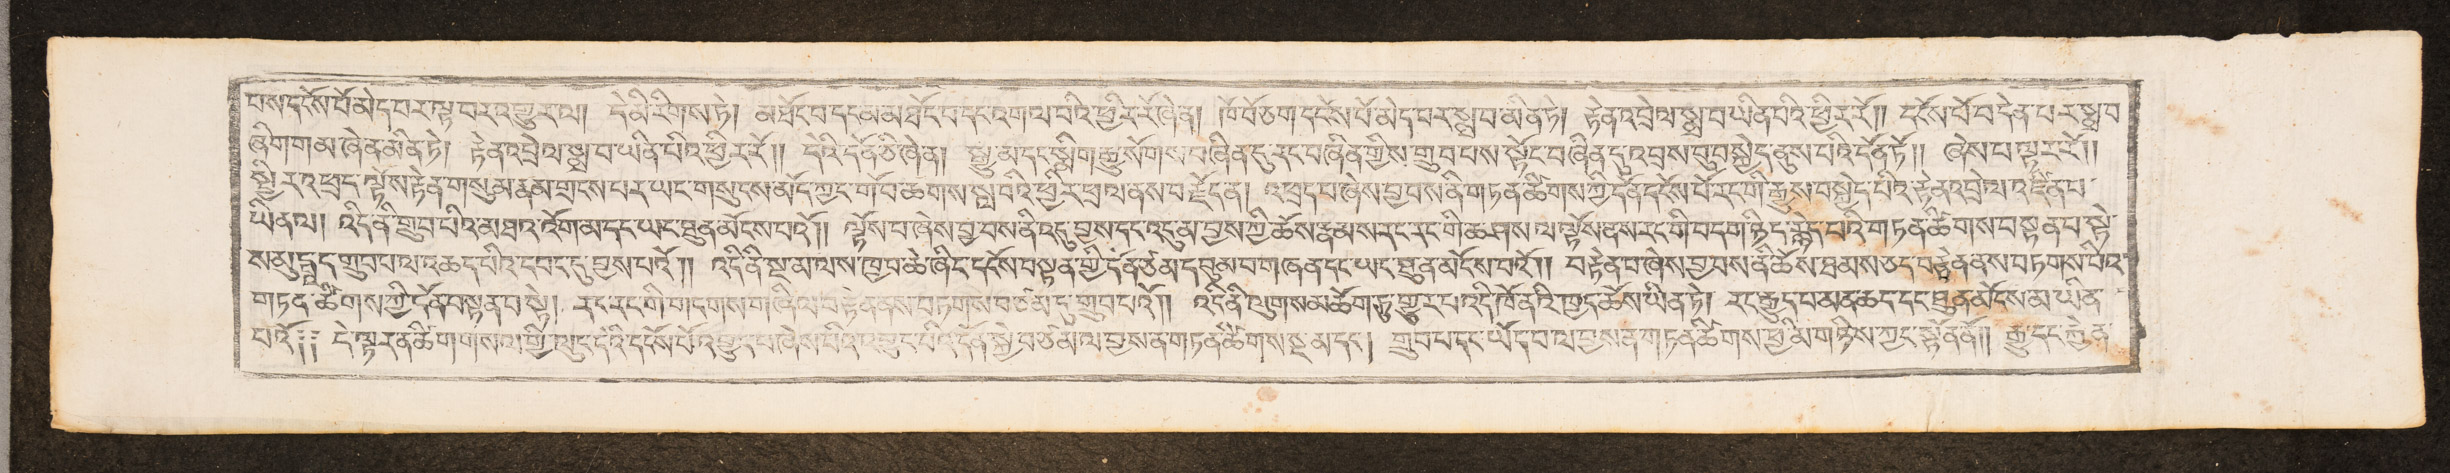པས་དངོས་པོ་མེད་བར་ལྟ་བར་འགྱུར་ལ། དེ་མི་རིགས་ཏེ། མཐོང་བ་དང་མ་མཐོང་བ་དང་འགལ་བའི་ཕྱིར་རོ་ཞེ་ན། ཁོ་བོ་ཅག་དངོས་པོ་མེད་པར་སྨྲ་བ་མིན་ཏེ། རྟེན་འབྲེལ་སྨྲ་བ་ཡིན་པའི་ཕྱིར་རོ། །དངོས་པོ་བདེན་པར་སྨྲ་བ་
ཞིག་གམ་ཞེ་ན་མིན་ཏེ། རྟེན་འབྲེལ་སྨྲ་བ་ཡིན་པའི་ཕྱིར་རོ། །དེའི་དོན་ཅི་ཞེ་ན། སྒྱུ་མ་དང་སྨིག་རྒྱུ་སོགས་བཞིན་དུ་རང་བཞིན་གྱིས་གྲུབ་པས་སྟོང་བཞིན་དུ་འབྲས་བུ་བསྐྱེད་ནུས་པའི་དོན་ཏོ། །ཞེས་པ་ལྟར་རོ། །
སྦྱིར་འཕྲད་ལྟོས་རྟེན་གསུམ་རྣམ་གྲངས་པར་ཡང་གསུངས་མོད་ཀྱང་གོ་བ་ཆགས་སླ་བའི་ཕྱིར་ཕྲལ་ནས་བརྗོད་ན། འཕྲད་དཔ་ཞེས་བྱ་བས་ནི་གཏན་ཚིགས་ཀྱི་དོན་དངོས་པོ་རང་གི་རྒྱུས་བསྐྱེད་པའི་རྟེན་འབྲེལ་འཛིན་པ་
ཡིན་ལ། འདི་ནི་གྲུབ་པའི་མཐའ་འོག་མ་དང་ཡང་ཐུན་མོངས་པའོ། །ལྟོས་པ་ཞེས་བྱ་བས་ནི་འདུ་བྱས་དང་འདུ་མ་བྱས་ཀྱི་ཆོས་རྣམས་རང་རང་གི་ཆ་ཤས་ལ་ལྟོས་ནས་རང་གི་བདག་ཉིད་རྙེད་པའི་གཏན་ཚིགས་བསྟན་པ་སྟེ་
ས་མུདཔཱ་ད་གྲུབ་པ་ལ་འཆད་པའི་དབང་དུ་བྱས་པའོ། །འདི་ནི་སྔ་མ་ལས་ཁྱབ་ཆེ་ཞིང་དངོས་བསྟན་གྱི་དོན་ཙམ་དབུམ་པ་གཞན་དང་ཡང་ཐུན་མོངས་པའོ། །བརྟེན་པ་ཞེས་བྱ་བས་ནི་ཆོས་ཐམས་ཅད་བརྟེན་ནས་བཏགས་པའི་
གཏན་ཚིགས་ཀྱི་དོན་བསྟན་པ་སྟེ། རང་རང་གི་གདགས་གཞི་ལ་བརྟེན་ནས་བཏགས་པ་ཙམ་དུ་གྲུབ་པའོ། །འདི་ནི་ལུགས་མཆོག་ཏུ་གྱུར་པ་འདི་ཁོ་ནའི་ཁྱད་ཆོས་ཡིན་ཏེ། རང་རྒྱུད་པ་མན་ཆད་དང་ཐུན་མོངས་མ་ཡིན་
པའོ༑ ༑དེ་ལྟར་ན་ཚིག་གསལ་གྱི་ལུང་དེའི་དངོས་པོ་འབྱུང་བ་ཞེས་པའི་འབྱུང་བའི་དོན་སྐྱེ་བ་ཙམ་ལ་བྱས་ན་གཏན་ཚིགས་སྔ་མ་དང་། གྲུབ་པ་དང་ཡོད་པ་ལ་བྱས་ན་གཏན་ཚིགས་ཕྱི་མ་གཉིས་ཀྱང་སྟོན་ནོ། །རྒྱུ་དང་རྐྱེན་